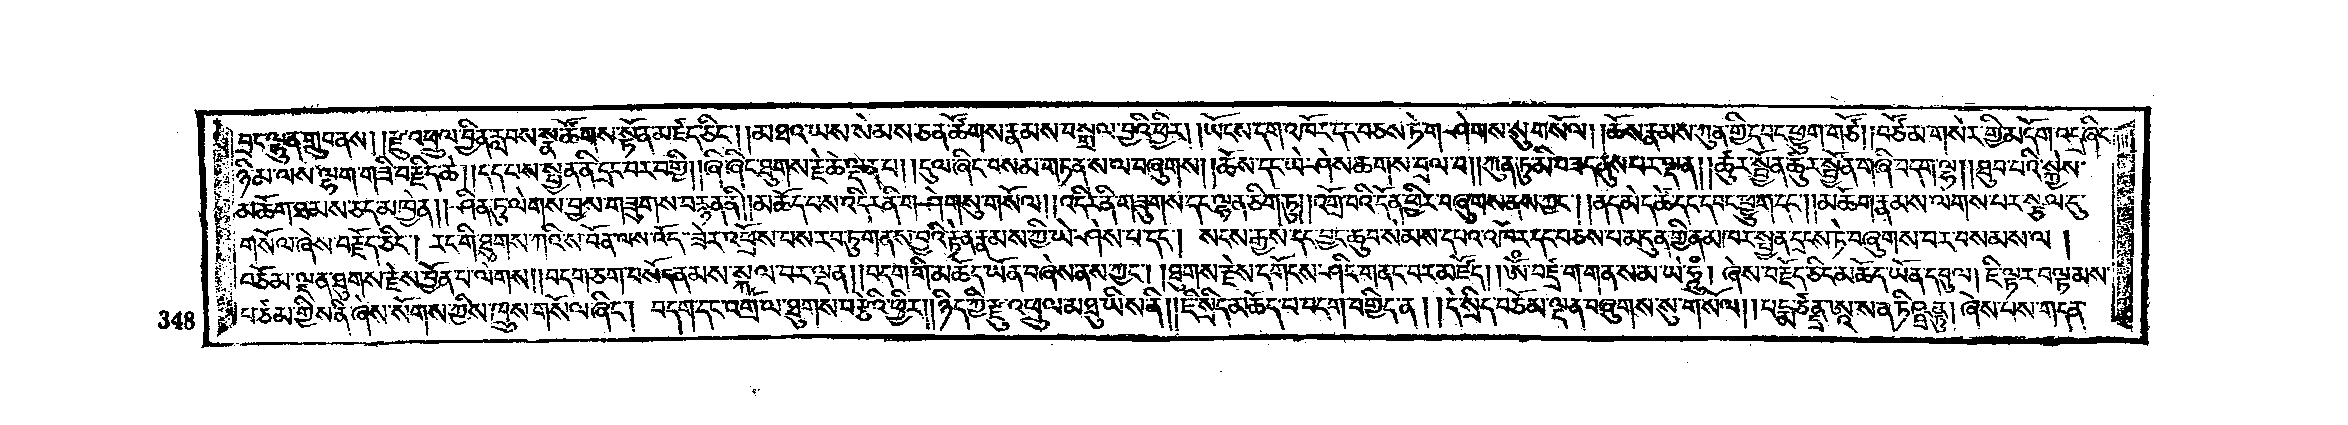བྲང་ལྷུན་གྲུབ་ནས། །རྫུ་འཕྲུལ་བྱིན་རླབས་སྣ་ཚོགས་སྟོན་མཛེད་ཅིང་། །མཐའ་ཡས་སེམས་ཅན་ཚོགས་རྣམས་བསྒྲལ་བྱའི་ཕྱིར། །ཡོངས་དག་འཁོར་དང་བཅས་ཏེ་གཤེགས་སུ་གསོལ། །ཆོས་རྣམས་ཀུན་གྱི་དབང་ཕྱུག་གཙོ། །བཙོ་མ་གསེར་གྱི་མདོག་འདྲ་ཞིང་། །
ཉི་མ་ལས་ལྷག་གཟི་བརྗིད་ཆེ། །དད་པས་སྤྱན་ནི་དྲང་བར་བགྱི། །ཞི་ཞིང་ཐུགས་རྗེ་ཆེ་ལྡན་པ། །དུལ་ཞིང་བསམ་གཏན་ས་ལ་བཞུགས། །ཆོས་དང་ཡེ་ཤེས་ཆགས་བྲལ་བ། །ཀུན་ཏུ་མི་བཟད་ནུས་པར་ལྡན། །ཚུར་སྤྱོན་ཚུར་སྤྱོན་གཞི་བདག་ལྷ། །ཐུབ་པའི་སྐྱེས་
མཆོག་ཐམས་ཅད་མཁྱེན། །ཤིན་ཏུ་ལེགས་བྱས་གཟུགས་བརྙན་ནི། །མཆོད་པས་འདིར་ནི་གཤེགས་སུ་གསོལ། །འདིར་ནི་གཟུགས་དང་ལྷན་ཅིག་ཏུ། །འགྲོ་བའི་དོན་ཕྱིར་བཞུགས་ནས་ཀྱང་། །ནད་མེད་ཚེ་དང་དབང་ཕྱུག་དང་། །མཆོག་རྣམས་ལེགས་པར་སྩལ་དུ་
གསོལ་ཞེས་བརྗོད་ཅིང་། རང་གི་ཐུགས་ཀའི་ས་བོན་ལས་འོད་ཟེར་འཕྲོས་པས་རབ་ཏུ་གནས་བྱའི་རྟེན་རྣམས་ཀྱི་ཡེ་ཤེས་པ་དང་། སངས་རྒྱས་དང་བྱང་ཆུབ་སེམས་དཔའ་འཁོར་དང་བཅས་པ་མདུན་གྱི་ནམ་མཁར་སྤྱན་དྲངས་ཏེ་བཞུགས་པར་བསམས་ལ།
བཅོམ་ལྡན་ཐུགས་རྗེས་བྱོན་པ་ལེགས། །བདག་ཅག་བསོད་ནམས་སྐལ་བར་ལྡན། །བདག་གི་མཆོད་ཡོན་བཞེས་ནས་ཀྱང་། །ཐུགས་རྗེས་དགོངས་ཤིང་གནང་བར་མཛོད། །ཨོཾ་བཛྲ་ག་ག་ན་ས་མ་ཡེ་ཧཱུཾ། ཞེས་བརྗོད་ཅིང་མཆོད་ཡོན་དབུལ། ཇི་ལྟར་བལྟམས་
པ་ཙམ་གྱིས་ནི་ཞེས་སོགས་ཀྱིས་ཁྲུས་གསོལ་ཞིང་། བདག་དང་འགྲོ་ལ་ཐུགས་བརྩེའི་ཕྱིར། །ཉིད་ཀྱི་རྫུ་འཕྲུལ་མཐུ་ཡིས་ནི། །ཇི་སྲིད་མཆོད་པ་བདག་བགྱིད་ན། །དེ་སྲིད་བཅོམ་ལྡན་བཞུགས་སུ་གསོལ། །པདམ་ཙནྡྲ་ཨཱ་ས་ན་ཏིཥཊཿཨ་ནཱུ། ཞེས་པས་གདན་